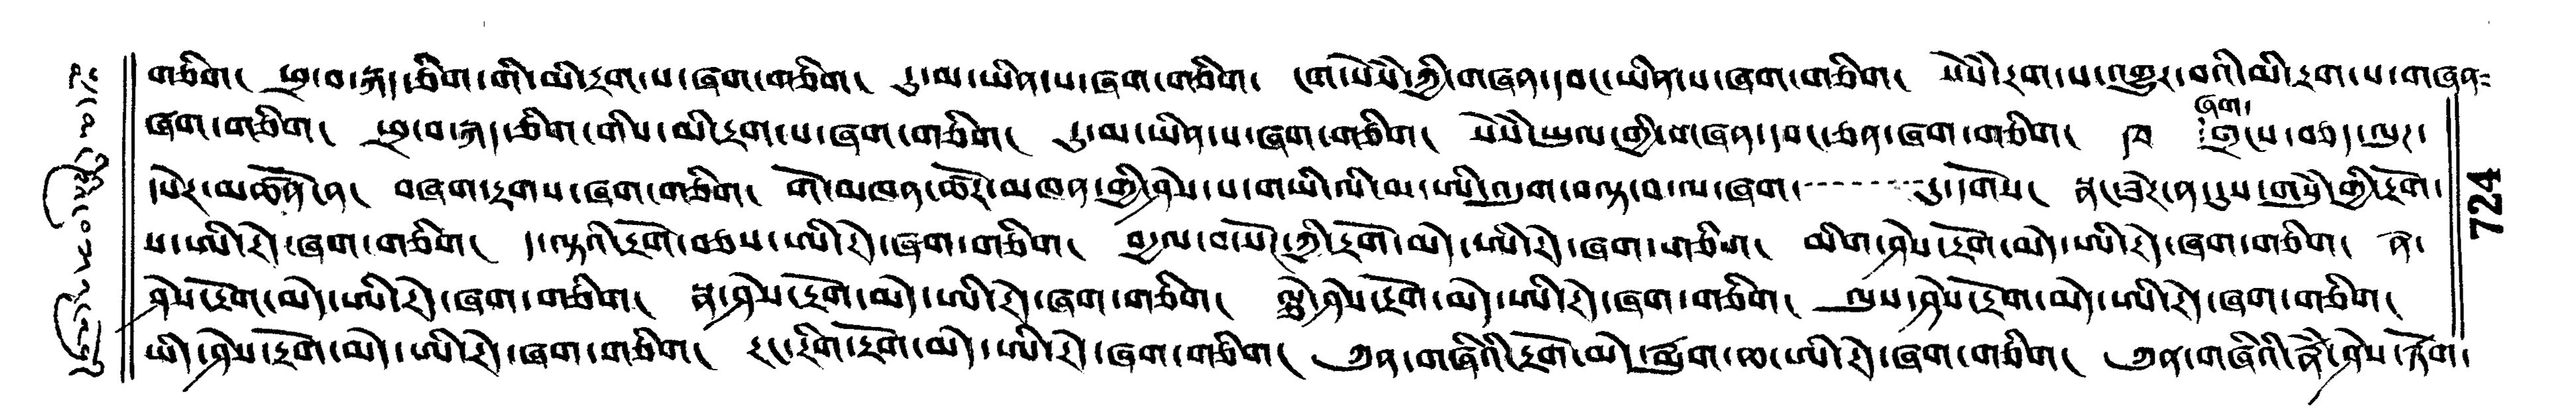གཅིག ཕྲ་བ་སྐད་ཅིག་གི་མི་རྟག་པ་ཞག་གཅིག དུ་མ་ཡིན་པ་ཞག་གཅིག ངག་སེམས་ཀྱི་གཞན་དབང་ཡིན་པ་ཞག་གཅིག སེམས་རགས་པ་འགྱུར་བའི་མི་རྟག་པ་གཞན་
ཞག་གཅིག ཕྲ་བ་སྐད་ཅིག་གིས་མི་རྟག་པ་ཞག་གཅིག དུ་མ་ཡིན་པ་ཞག་གཅིག སེམས་ཡུལ་གྱི་གཞན་དབང་ཅན་ཞག་གཅིག ཁ༽ ཞག་གྲངས་བཅད་ལུགས་
དཔེར་མཚོན་ན། བཞག་རྟགས་ཞག་གཅིག གོ་མཁན་ཚོར་མཁན་གྱི་ཤེས་པ་གཡི་ལི་མ་ཨི་འདུག་བལྟ་བ་ལ་ཞག་དུ་དགོས་སྣང་ཟེར་ན་དུས་གསུམ་གྱི་རྟོག་
པ་ཨི་རེད་ཞག་གཅིག ད་ལྟའི་རྟོག་བཅས་ཨི་རེད་ཞག་གཅིག བརྒྱལ་བ་སོགས་ཀྱི་རྟོག་མེད་ཨི་རེད་ཞག་གཅིགམིག་ཤེས་རྟོག་མེད་ཨི་རེད་ཞག་གཅིག རྣ་
ཤེས་རྟོག་མེད་ཨི་རེད་ཞག་གཅིག སྣ་ཤེས་རྟོག་མེད་ཨི་རེད་ཞག་གཅིག ལྕེ་ཤེས་རྟོག་མེད་ཨི་རེད་ཞག་གཅིག ལུས་ཤེས་རྟོག་མེད་ཨི་རེད་ཞག་གཅིག 
ཡིད་ཤེས་རྟོག་མེད་ཨི་རེད་ཞག་གཅིག རང་རིག་རྟོག་མེད་ཨི་རེད་ཞག་གཅིག ཀུན་གཞི་རྟོག་མེད་རྨུགས་ཆ་ཨི་རེད་ཞག་གཅིག ཀུན་གཞིའི་རྣམ་ཤེས་རྟོག་